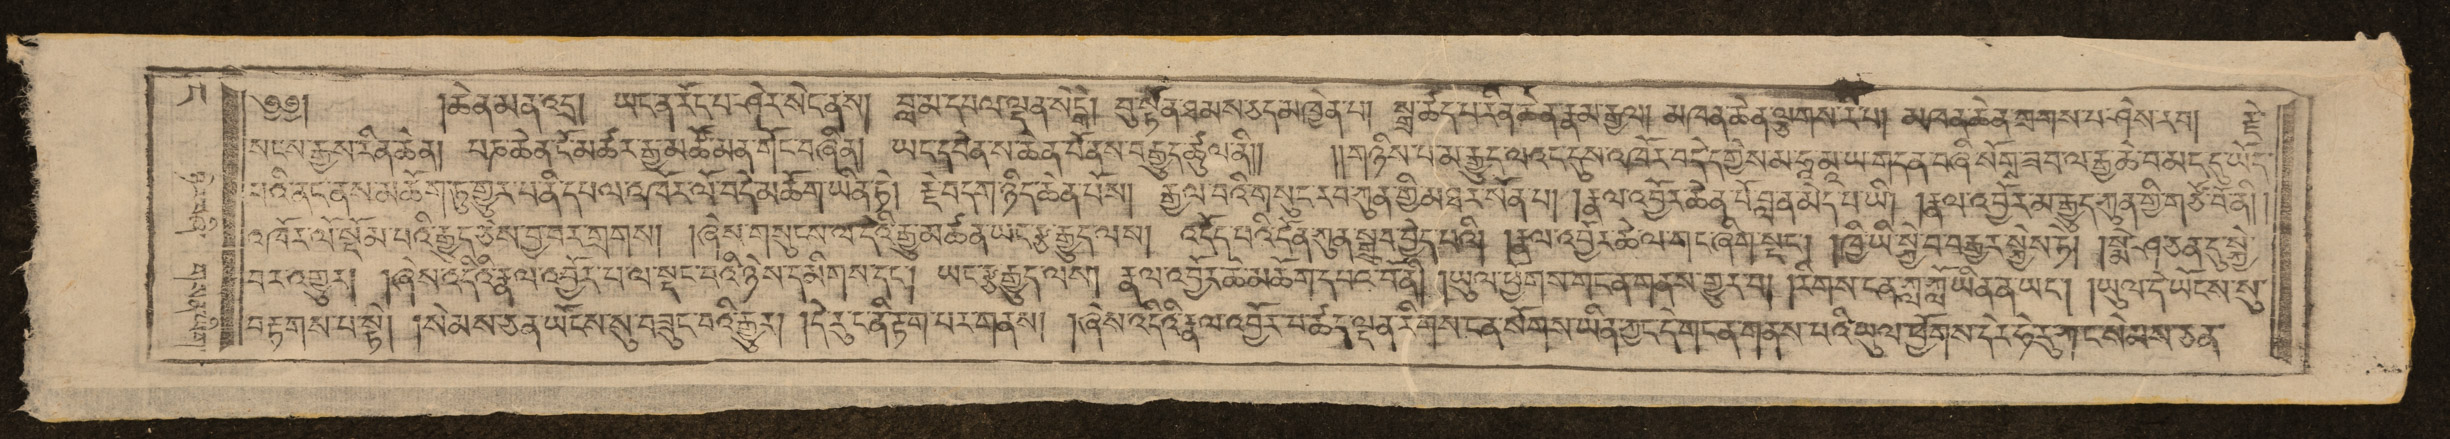༄༅། །ཆེན་མན་འདྲ། ཡང་ན་རོང་པ་ཤེར་སེང་ནས། བླ་མ་དཔལ་ལྡན་སེངྒེ། བུ་སྟོན་ཐམས་ཅད་མཁྱེན་པ། སྒྲ་ཚད་པར་རིན་ཆེན་རྣམ་རྒྱལ། མཁན་ཆེན་ལྕགས་རི་བ། མཁན་ཆེན་གྲགས་པ་ཤེས་རབ། རྗེ་
སངས་རྒྱས་རིན་ཆེན། པཎ་ཆེན་ངོ་མཚར་རྒྱ་མཚོ་མན་གོང་བཞིན། ཡང་དབེན་ས་ཆེན་པོ་ནས་བརྒྱུད་ཚུལ་ནི།། །།གཉིས་པ་མ་རྒྱུད་ལའང་དུས་འཁོར་བདེ་དགྱེས་མ་ཧཱ་མཱ་ཡ་གདན་བཞི་སོགས་ཟབ་ལ་རྒྱ་ཆེ་བ་མད་དུ་ཡོད་
པའི་ནང་ནས་མཆོག་ཏུ་གྱུར་པ་ནི་དཔལ་འཁོར་ལོ་བདེ་མཆོག་ཡིན་ཏེ། རྗེ་བདག་ཉིད་ཆེན་པོས། རྒྱལ་བའི་གསུང་རབ་ཀུན་གྱི་མཐར་སོན་པ། །རྣལ་འབྱོར་ཆེན་པོ་བླ་ན་མེད་པ་ཡི། །རྣལ་འབྱོར་མ་རྒྱུད་ཀུན་གྱི་གཙོ་བོ་ནི།།
འཁོར་ལོ་སྡོམ་པའི་རྒྱུད་ཅེས་བྱ་བར་གྲགས། །ཞེས་གསུངས་ལ་དེའི་རྒྱུ་མཚན་ཡང་རྩ་རྒྱུད་ལས། འདོད་པའི་དོན་ཀུན་སྒྲུབ་བྱེད་པའི། །རྣལ་འབྱོར་ཆེ་ལ་གང་ཞིག་སྡང་། །ཁྱི་ཡི་སྐྱེ་བ་བརྒྱར་སྐྱེས་ཏེ། །སྨེ་ཤ་ཅན་དུ་སྐྱེ་
བར་འགྱུར། །ཞེས་འདིའི་རྣལ་འབྱོར་པ་ལ་སྡང་བའི་ཉེས་དམིགས་དང་། ཡང་རྩ་རྒྱུད་ལས། རྣལ་འབྱོར་ཆེ་མཆོག་དཔའ་བོ་ནི། །ཡུལ་ཕྱགས་གང་ན་གནས་གྱུར་པ། །རིགས་ངན་ཀླ་ཀློ་ཡིན་ན་ཡང་། །ཡུལ་དེ་ཡོངས་སུ་
བརྟགས་པ་སྟེ། །སེམས་ཅན་ཡོངས་སུ་བཟུང་པའི་རྒྱུར། །དེ་རུ་ང་ནི་རྟག་པར་གནས། །ཞེས་འདིའི་རྣལ་འབྱོར་པ་ཚད་ལྡན་རིགས་ངན་སོགས་ཡིན་ཀྱང་དེ་གང་ན་གནས་པའི་ཡུལ་ཕྱོགས་དེར་ཧེ་རུ་ཀང་སེམས་ཅན་